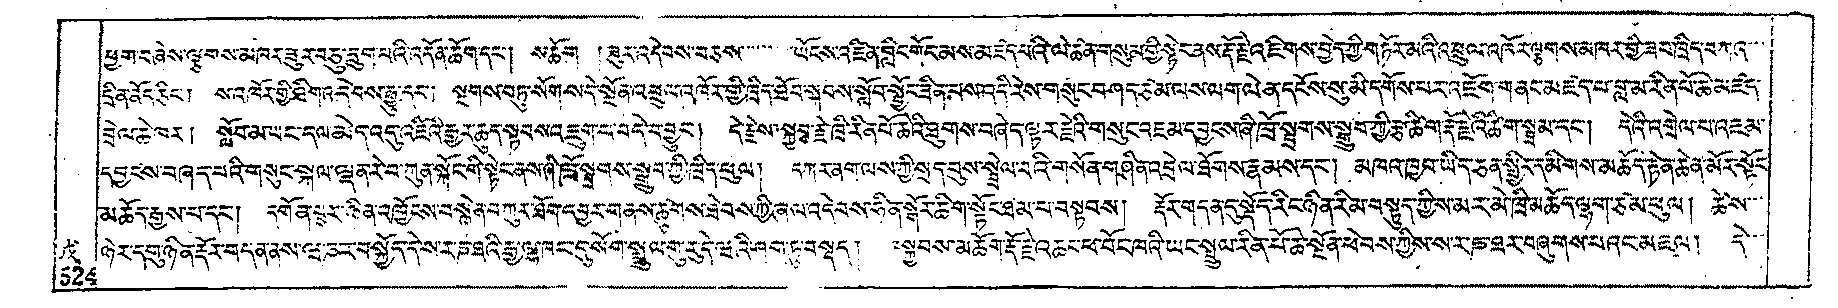ཕྱག་བཞེས་ལྕགས་མཁར་ཟུར་བཅུ་དྲུག་པའི་འདོན་ཆོག་དང་། ས་ཆོག །ཟུར་འདེབས་བཅས་ཡོངས་འཛིན་གླིང་གོང་མས་མཛད་པའི་ལེ་ཚན་གསུམ་གྱི་སྟེང་ནས་རྡོ་རྗེ་འཇིགས་བྱེད་ཀྱི་གཏོར་མའི་འཕྲུལ་འཁོར་ལྕགས་མཁར་གྱི་ཟབ་ཁྲིད་བཀའ་
དྲིན་ནོད་ཅིང་། ས་འཁོར་གྱི་ཐིག་འདེབས་རྒྱུ་དང་། སྔགས་བཏུ་སོགས་དེ་སྔོན་འཕྲུལ་འཁོར་གྱི་ཁྲིད་ཐོབ་སྐབས་སློབ་སྦྱོང་ཟིན་པས་འདི་རེས་གསུང་བཤད་ཙམ་ལས་ལག་ལེན་དངོས་སུ་མི་དགོས་པར་འཇོག་གནང་མཛད་པ་བླ་མ་རིན་པོ་ཆེ་མཛད་
བྲེལ་ཆེ་ཁར། སློབ་མ་ཡང་དལ་མེད་འདུ་འཛིའི་རྒྱར་ཆུད་སྟབས་འཇུག་པ་བདེ་བ་བྱུང་། དེ་རྗེས་༧སྐྱབས་རྗེ་ཁྲི་རིན་པོ་ཆེའི་ཐུགས་བཞེད་ལྟར་རྗེའི་གསུང་འཇམ་དབྱངས་ཞི་ཁྲོ་སྦྲགས་སྒྲུབ་ཀྱི་རྩ་ཚིག་རྡོ་རྗེའི་ཚིག་སྦྲ་མ་དང་། དེའི་འགྲེལ་པ་འཇམ་
དབྱངས་བཞད་པའི་གསུང་སྐལ་ལྡན་རེ་བ་ཀུན་སྐོང་གི་སྟེང་ནས་ཞི་ཁྲོ་སྦྲགས་སྒྲུབ་ཀྱི་ཁྲིད་ཕུལ། དཀར་ནག་ལས་ཀྱི་སྲད་བུས་སྦྲེལ་བའི་གསོན་གཤིན་འབྲེལ་ཐོགས་རྣམས་དང་། མཁའ་ཁྱབ་ཡིད་ཅན་སྤྱིར་དམིགས་མཆོད་རྟེན་ཆེན་མོར་སྟོང་
མཆོད་རྒྱས་པ་དང་། དགོན་པར་ཉིན་འཁྱོངས་བསྙེན་བཀུར་ཐོག་དབྱར་གནས་ཚུགས་ཐེབས་ཀྱི་ཞལ་འདེབས་ཧིན་སྒོར་ཆིག་སྟོང་ཐམ་པ་བསྟབས། རྡོར་གདན་དུ་སྡོད་རིང་ཉིན་རིམ་བསྟུད་ཀྱིས་མར་མེ་ཁྲི་མཆོད་ལྷག་ཙམ་ཕུལ། ཚེས་
ཉེར་དགུ་ཉིན་རྡོར་གདན་ནས་ཝ་ཎར་བསྐྱོད་དེ་ས་ར་ཎ་ཐའི་རྒྱ་ལྷ་ཁང་དུ་སོག་སྤྲུལ་གུ་རུ་དེ་ཝའི་ཤག་ཏུ་བསྡད། ༧སྐྱབས་མཆོག་རྡོ་རྗེ་འཆང་ཕ་བོང་ཁའི་ཡང་སྤྲུལ་རིན་པོ་ཆེ་སྔོན་ཕེབས་ཀྱིས་ས་ར་ཎ་ཐར་བཞུགས་པའང་མཇལ། དེ་